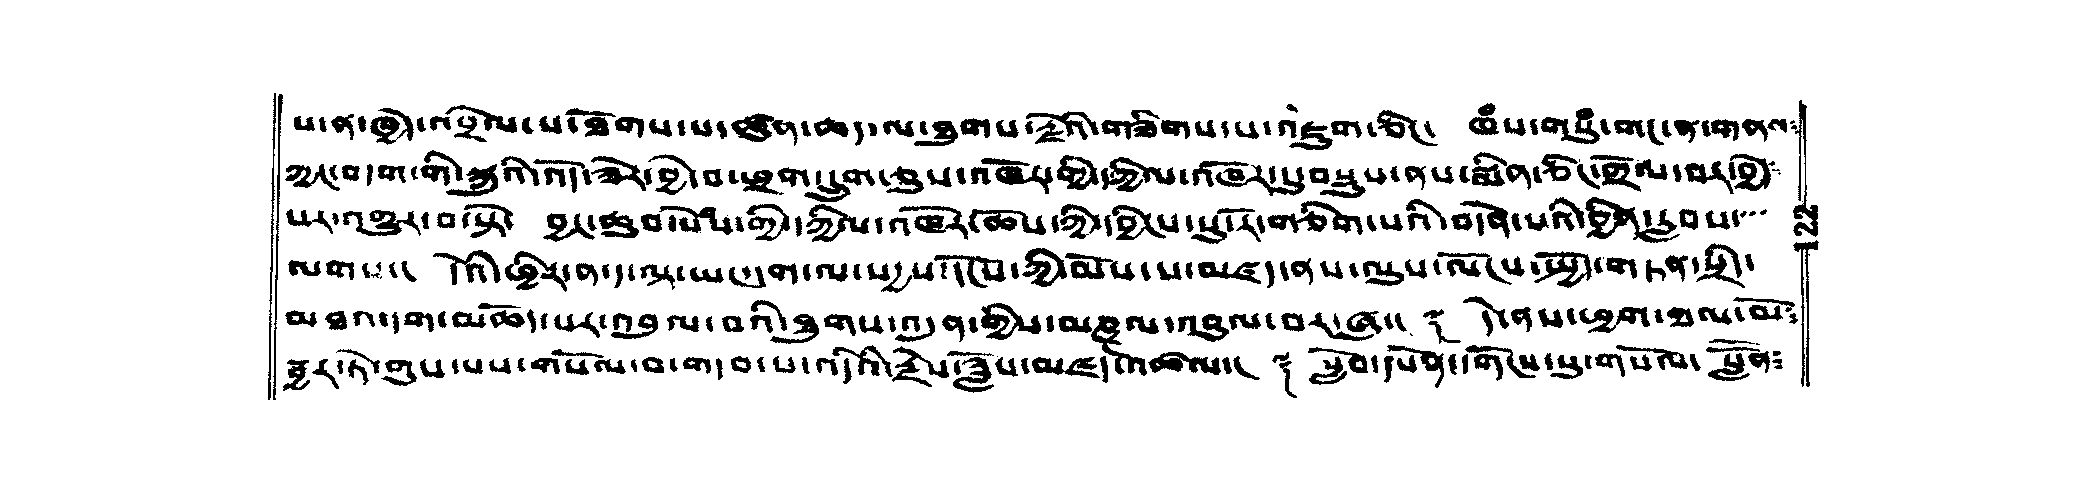པ་ན་ཁྱེད་འབྲེལ་པ་ཐོགས་པ་ཚུན་ཆད་ལ་ཐུགས་རྗེའི་གཟིགས་པ་འཇུག་ཅིང་། ཁམས་གསུམ་གང་ན་གནས་
ཀྱང་བདག་གི་སྐུའི་འོད་ཟེར་བྱེ་བ་ཕྲག་དྲུག་ཅུས་འཁོར་གྱི་དཀྱིལ་འཁོར་དུ་བསྡུས་ནས་སྨིན་ཅིང་གྲོལ་བར་བྱེད་
པར་འགྱུར་བ་སྟེ།བྱང་ཆུབ་སེམས་ཀྱི་དཀྱིལ་འཁོར་ཆོས་ཀྱི་དབྱིངས་སུ་རོ་གཅིག་པའི་བདེན་པའི་བྱིན་རླབས་
ལགས། དེའི་ཕྱིར་ན་ད་ལྟ་ཡང་དག་ལ་སངས་རྒྱས་དངོས་ཀྱི་མོས་པ་མཛད་ནས་ལུས་ལོངས་སྤྱོད་གཏན་སྲིད་
མཐའ་དག་མཆོད་པར་འབུལ་བའི་ཐུགས་འདུན་གྱིས་མཎྜལ་འབུལ་བར་ཞུ། ༈ དེ་ནས་ཕྱག་ཐལ་མོ་
སྦྱར་ཏེ་གུས་པས་གསོལ་བ་གདབ་པ་འདིའི་རྗེས་ཟློས་མཛད་འཚལ། ༈ སློབ་དཔོན་དགོངས་སུ་གསོལ། སློབ་དཔོན་